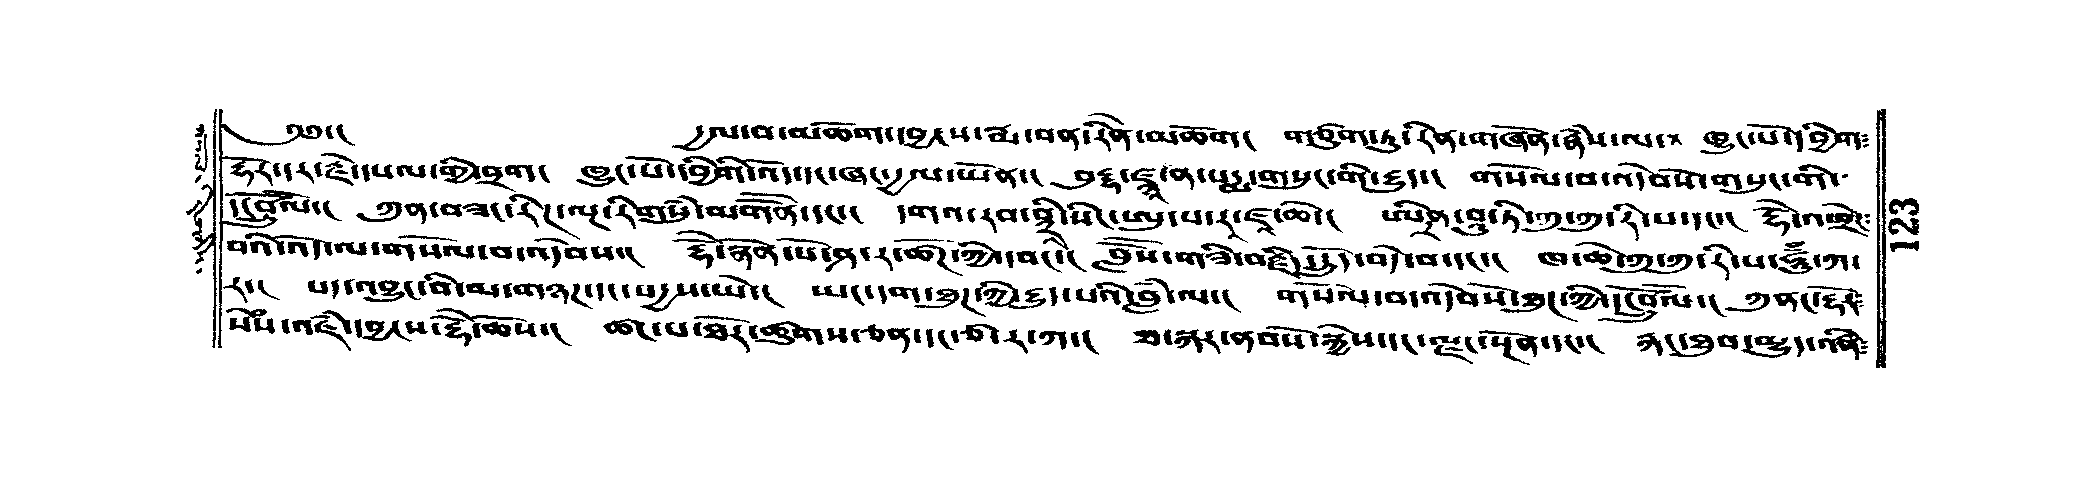།རྒྱལ་བ་མཆོག་དབྱངས་རྨ་བན་རིན་ཆེན་མཆོག །གཙུག་རུ་རིན་གཞོན་རྣམས་ལ༴ །ཁྱུང་པོ་དབྱིག་
རྡོར་དར་རྗེ་དཔལ་གྱི་གྲགས། །ཁྱུང་པོ་དབྱིག་གི་འོད་དང་ཞང་རྒྱལ་ཡོན། །བུདྡྷ་ཛྙཱ་ན་པདྨ་གསུང་གི་རྒྱུད། །གསོལ་བ་འདེབས་སོ་གསུང་གི་
དངོས་གྲུབ་སྩོལ། །ཀུན་བཟང་རིགས་ལྔ་རིག་གསུམ་མགོན་པོ་དང་། །དགའ་རབ་ཤྲཱི་སིང་ཨུ་པ་རཱ་ཛཱ་ཆེ། །ཨིནྡྲ་བྷུ་ཏི་ཀུ་ཀུ་རི་པ་དང་། །རྡོ་རྗེ་འཕྲེང་
བའི་འོད་ལ་གསོལ་བ་འདེབས། །རྡོ་རྗེ་རྣོན་པོ་ཤ་ར་ཚོགས་ཀྱི་དབང་། །བློ་གྲོས་གཟི་བརྗིད་དུད་ཁྲོད་བདེ་བ་དང་། །ཁ་ཆེ་ཀུ་ཀུ་རི་པ་ཧཱུྃ་ཀ་
ར། །པད་འབྱུང་བི་མ་གཉགས་དང་སངས་རྒྱས་ཡེ། །ཡང་དག་ཐུགས་ཀྱི་རྒྱུད་པའི་བླ་མ་ལ། །གསོལ་བ་འདེབས་སོ་ཐུགས་ཀྱི་དངོས་གྲུབ་སྩོལ། །ཀུན་བཟང་རྡོར་
སེམས་འཇམ་དབྱངས་རྡོ་རྗེ་ཆོས། །ཚང་པ་ཐོར་ཚུགས་ཅན་དང་ཙ་ར་ཀ །ཐ་སྐར་ནབས་སོ་སྐྱེས་དང་ལྗང་སྔོན་དང་། །རྐང་ཐུབ་བརྒྱུད་འཛིན་རྣམས་